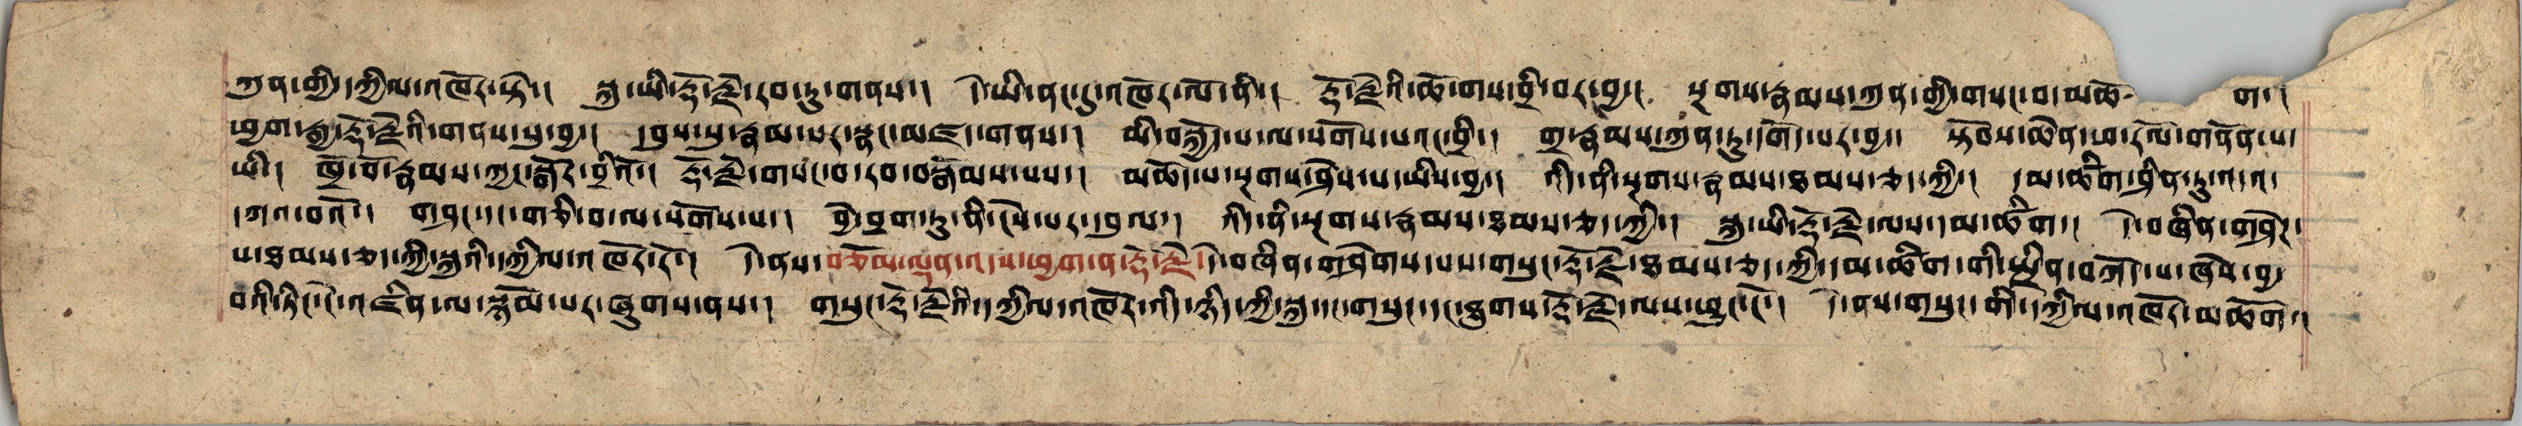ཀུན་གྱི་དཀྱིལ་འཁོར་སྟེ་། སྐུ་ཡི་རྡོ་རྗེ་རབ་ཏུ་གནས་། དེ་ཡི་ནང་དུ་འཁོར་ལོ་ནི་། རྡོ་རྗེའི་ཆོ་གས་བྲི་བར་བྱ་། སྔགས་རྣམས་ཀུན་གྱི་གསང་བ་མཆོ ག་།
ཕྱག་རྒྱ་རྡོ་རྗེའི་གནས་སུ་བྱ་། དབུས་སུ་རྣམ་པར་སྣང་མཛད་གནས་། མི་བསྐྱོད་པ་ལ་སོགས་པའང་བྲི་། གྲ་རྣམས་ཀུན་ཏུ་དགོད་པར་བྱ་། སྟོབས་ཆེན་ཕ་རོལ་གནོན་པ་
ཡི་། ཁྲོ་བོ་རྣམས་ཀྱང་སྒོར་བྲིའོ་། རྡོ་རྗེ་གསང་བ་རབ་བསྒོམས་པས་། མཆོད་པ་སྔགས་ཤེས་པ་ཡིས་བྱ་། འདི་ནི་སྔགས་རྣམས་ཐམས་ཅད་ཀྱི་། དམ་ཚིག་ཤིན་ཏུ་འདའ་
དཀའ་བའོ་། གཤང་དང་གཅི་བ་ལ་སོགས་པ་། བྱེ་བྲག་ཏུ་ནི་ངེས་པར་དབུལ་། འདི་ནི་སྔགས་རྣམས་ཐམས་ཅད་ཀྱི་། སྐུ་ཡི་རྡོ་རྗེ་ལས་དམ་ཚིག་། དེ་བཞིན་གཤེཌ་
པ་ཐམས་ཅད་ཀྱི་སྐུའི་དཀྱིལ་འཁོར་རོ་། དེ་ནས་བཅོམ་ལྡན་འདས་ཕྱག་ན་རྡོ་རྗེ་དེ་བཞིན་གཤེགས་པས་གསུང་རྡོ་རྗེ་ཐམས་ཅད་ཀྱི་དམ་ཚིག་གི་སྤྲིན་བཀོད་པ་ཞེས་བྱ་
བའི་ཏིང་ངེ་འཛིན་ལ་སྙོམས་པར་ཞུགས་ནས་། གསུང་རྡོ་རྗེའི་དཀྱིལ་འཁོར་འདི་ཉིད་ཀྱི་སྐུ་དང་གསུང་དང་ཐུགས་རྡོ་རྗེ་ལས་ཕྱུང་ངོ་། དེ་ནས་གསུང་གི་དཀྱིལ་འཁོར་མཆོག་།